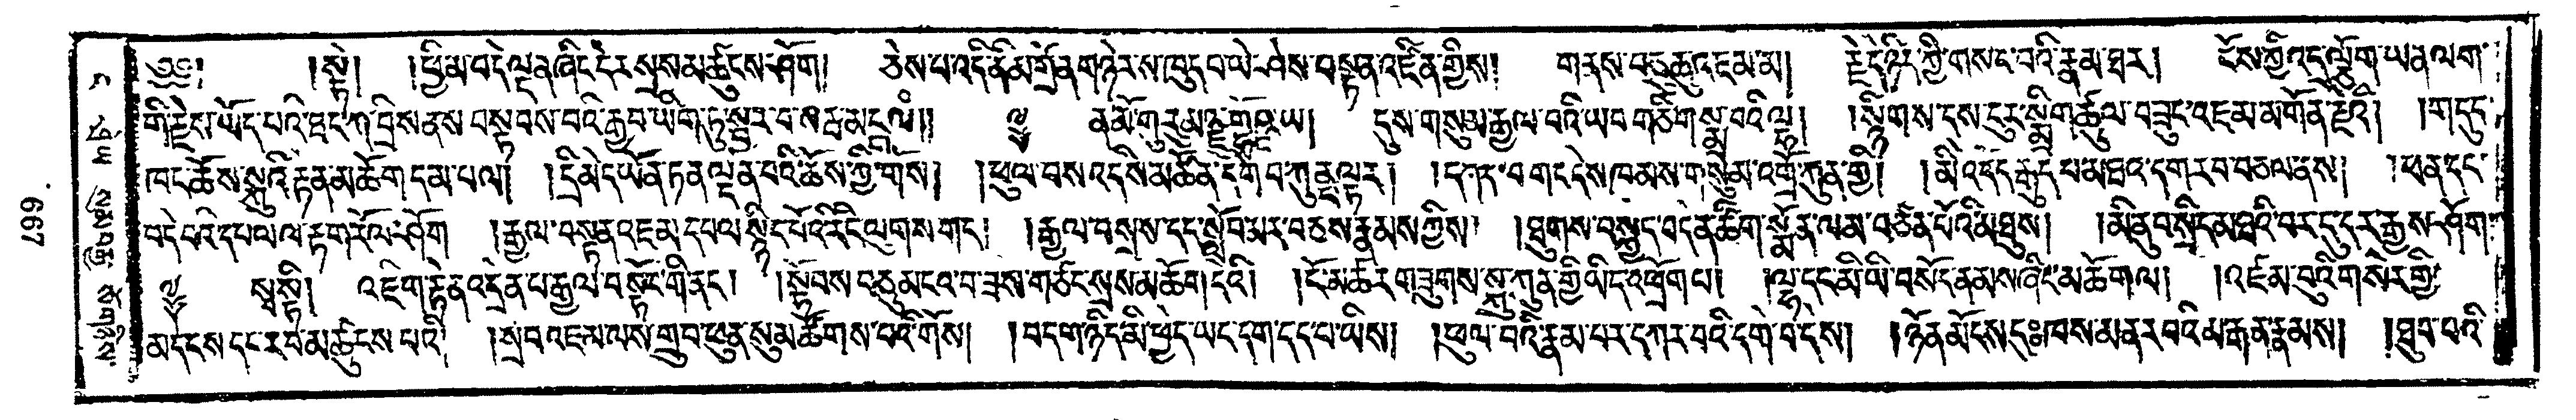༄༅། །སྟེ། །ཕྱི་མ་བདེ་ལྡན་ཞིང་དེར་སྲས་མཚུངས་ཤོག། ཅེས་པ་འདི་ནི་མགྲོན་གཉེར་ས་ཁུད་བ་ཡེ་ཤེས་བསྟན་འཛིན་གྱིས། །གནས་བཅུ་ཆུ་འཇམ་མ། རྗེ་དེ་ཉིད་ཀྱི་གསང་བའི་རྣམ་ཐར། ངོས་ཀྱི་འདྲ་ལྕོག་ཡན་ལག་
གི་རྗེས་ཡོད་པའི་ཐང་ཀ་བྲིས་ནས་བསྟབས་བའི་རྒྱབ་ཡིག་ཏུ་སྦྱར་བ་སརྦ་མངྒ་ལཾ།། ༈ ན་མོ་གུ་རུ་མཉྫུ་གྷོ་ཥཱ་ཡ། དུས་གསུམ་རྒྱལ་བའི་ཡབ་གཅིག་སྨྲ་བའི་ལྷ། །སྙིགས་དས་ངུར་སྨྲིག་ཚུལ་བཟུང་འཇམ་མགོན་རྗེའི། །གདུང་
ཁང་ཆོས་སྐུའི་རྟེན་མཆོག་དམ་པ་ལ། །དྲི་མེད་ཡོན་ཏན་ལྡན་བའི་ཆོས་ཀྱི་གོས། །ཕུལ་བས་འདིས་མཚོན་དགེ་བ་ཀུན་ད་ལྟར། །དཀར་བ་གང་དེས་ཁམས་གསུམ་འགྲོ་ཀུན་གྱི། །མི་འདོད་རྒུད་པ་མཐའ་དགར་རབ་བཅལ་ནས། །ཕན་དང་
བདེ་བའི་དཔལ་ལ་རྟག་རོལ་ཤོག །རྒྱལ་བསྟན་འཇམ་དཔལ་སྙིང་པོའི་རིང་ལུགས་གང་། །རྒྱལ་བསྲས་དང་སློབ་མར་བཅས་རྣམས་ཀྱིས། །ཐུགས་བསྐྱད་བདེན་ཚིག་སྨོན་ལམ་བཙན་པོའི་མཐུས། །མི་ནུབ་སྲིད་མཐའི་བར་དུ་དར་རྒྱས་ཤོག།
༈ སྭསྟི། འཇིག་རྟེན་འདྲེན་པ་རྒྱལ་བ་སྟོང་གི་ནང་། །སྟོབས་བཅུ་མངའ་བ་ཟས་གཙང་སྲས་མཆོག་དེའི། །ངོ་མཚར་གཟུགས་སྐུ་ཀུན་གྱི་ཡིད་འཕྲོག་པ། །ལྷ་དང་མི་ཡི་བསོད་ནམས་ཞིང་མཆོག་ལ། །འཛམ་བུའི་གསེར་གྱི་
མདངས་དང་རབ་མཚུངས་པའི། །སྲབ་འཇམ་ལས་གྲུབ་ཕུན་སུམ་ཚོགས་པའི་གོས། །བདག་ཉིད་མི་ཕྱེད་ཡང་དག་དད་པ་ཡིས། །ཕུལ་བའི་རྣམ་པར་དཀར་བའི་དགེ་བ་དེས། །ཉོན་མོངས་དུཿ ཁས་མནར་བའི་མ་རྒན་རྣམས། །ཐུབ་པའི་